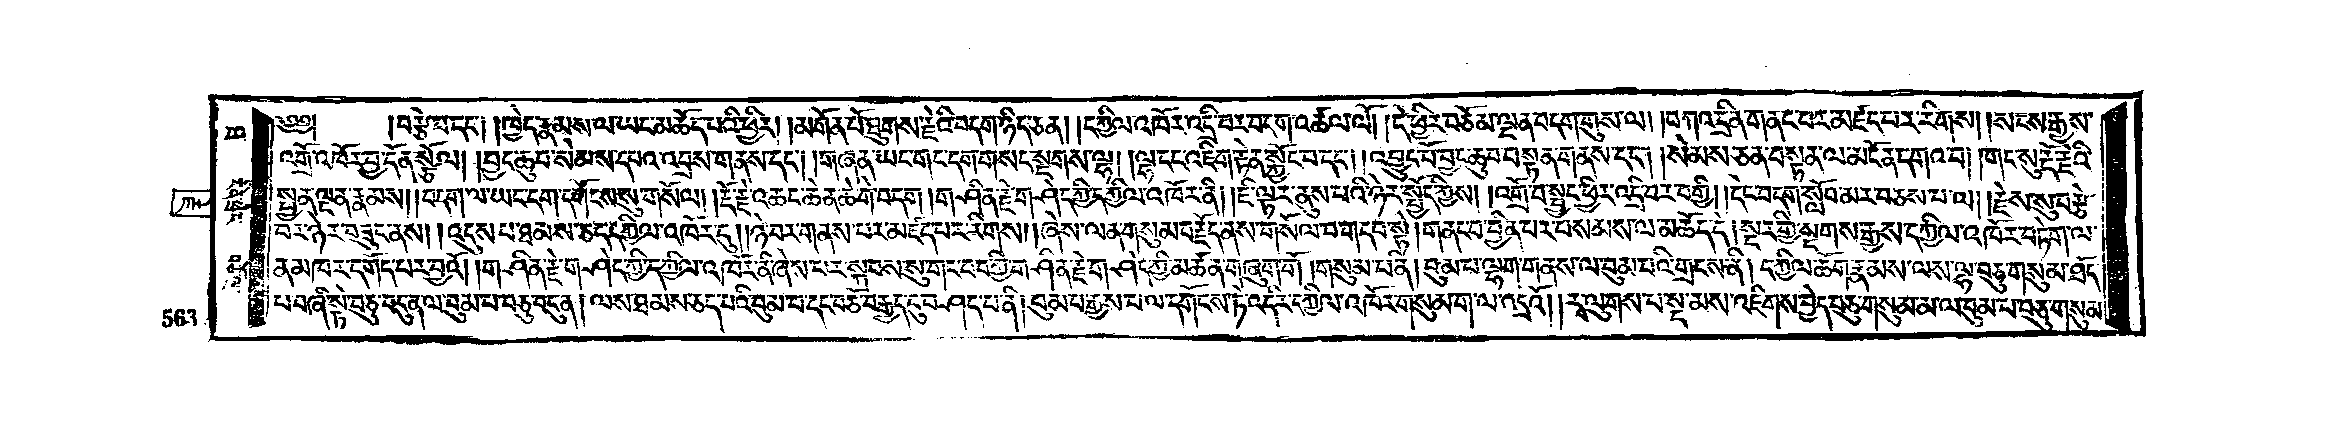༄༅། །བརྩེ་བ་དང་། །ཁྱེད་རྣམས་ལ་ཡང་མཆོད་པའི་ཕྱིར། །མགོན་པོ་ཐུགས་རྗེའི་བདག་ཉིད་ཅན། །དཀྱིལ་འཁོར་འདྲི་བར་བདག་འཚལ་ལོ། །དེ་ཕྱིར་བཅོམ་ལྡན་བདག་གུས་ལ། །བཀའ་དྲིན་གནང་བར་མཛད་པར་རིགས། །སངས་རྒྱས་
འགྲོ་འཁོར་བྱ་དོན་སྩོལ། །བྱང་ཆུབ་སེམས་དཔའ་འབྲས་གནས་དང་། །གཞན་ཡང་གང་དག་གསང་སྔགས་ལྷ། །ལྷ་དང་འཇིག་རྟེན་སྐྱོང་བ་དང་། །འབྱུང་པོ་བྱང་ཆུབ་བསྟན་གནས་དང་། །སེམས་ཅན་བསྟན་ལ་མངོན་དགའ་བ། །གང་སུ་རྡོ་རྗེའི་
སྤྱན་ལྡན་རྣམས། །བདག་ལ་ཡང་དག་དགོངས་སུ་གསོལ། །རྡོ་རྗེ་འཆང་ཆེན་ཆེ་གེ་བདག །གཤིན་རྗེ་གཤེད་ཀྱི་དཀྱིལ་འཁོར་ནི། །ཇི་ལྟར་ནུས་པའི་ཉེར་སྤྱོད་ཀྱིས། །འགྲོ་བ་སྦྱང་ཕྱིར་འདྲི་བར་བགྱི། །དེང་བདག་སློབ་མར་བཅས་པ་ལ། །རྗེས་སུ་བརྩེ་
བར་ཉེར་བཟུང་ནས། །འདུས་པ་ཐམས་ཅད་དཀྱིལ་འཁོར་དུ། །ཉེ་བར་གནས་པར་མཛད་པར་རིགས། །ཞེས་ལན་གསུམ་བརྗོད་ནས་གསོལ་བ་གདབ་སྟེ། གནང་བ་བྱིན་པར་བསམས་ལ་མཆོད་དེ། སྔར་གྱི་སྔགས་རྒྱས་དཀྱིལ་འཁོར་བཏེག་ལ་
ནམ་མཁར་དགོད་པར་བྱའོ། །གཤིན་རྗེ་གཤེད་ཀྱི་དཀྱིལ་འཁོར་ནི་ཞེས་པར་སྐབས་སུ་གང་བབ་ཀྱི་གཤིན་རྗེ་གཤེད་ཀྱི་མཚན་གཞུག་གོ །གསུམ་པ་ནི། བུམ་པ་ལྷག་གནས་ལ་བུམ་པའི་གྲངས་ནི། དཀྱིལ་ཆོག་རྣམས་ལས་ལྷ་བཅུ་གསུམ་ཐོད་
པ་བཞི་སྟེ་བཅུ་བདུན་ལ་བུམ་པ་བཅུ་བདུན། ལས་ཐམས་ཅད་པའི་བུམ་པ་དང་བཅོ་བརྒྱད་དུ་བཤད་པ་ནི། བུམ་པ་རྒྱས་པ་ལ་དགོངས་ཏེ་འདིར་དཀྱིལ་འཁོར་གསུམ་ག་ལ་འདྲའོ། །རྭ་ལུགས་པ་སྔ་མས་འཇིགས་བྱེད་བཅུ་གསུམ་མ་ལ་བུམ་པ་བཅུ་གསུམ་